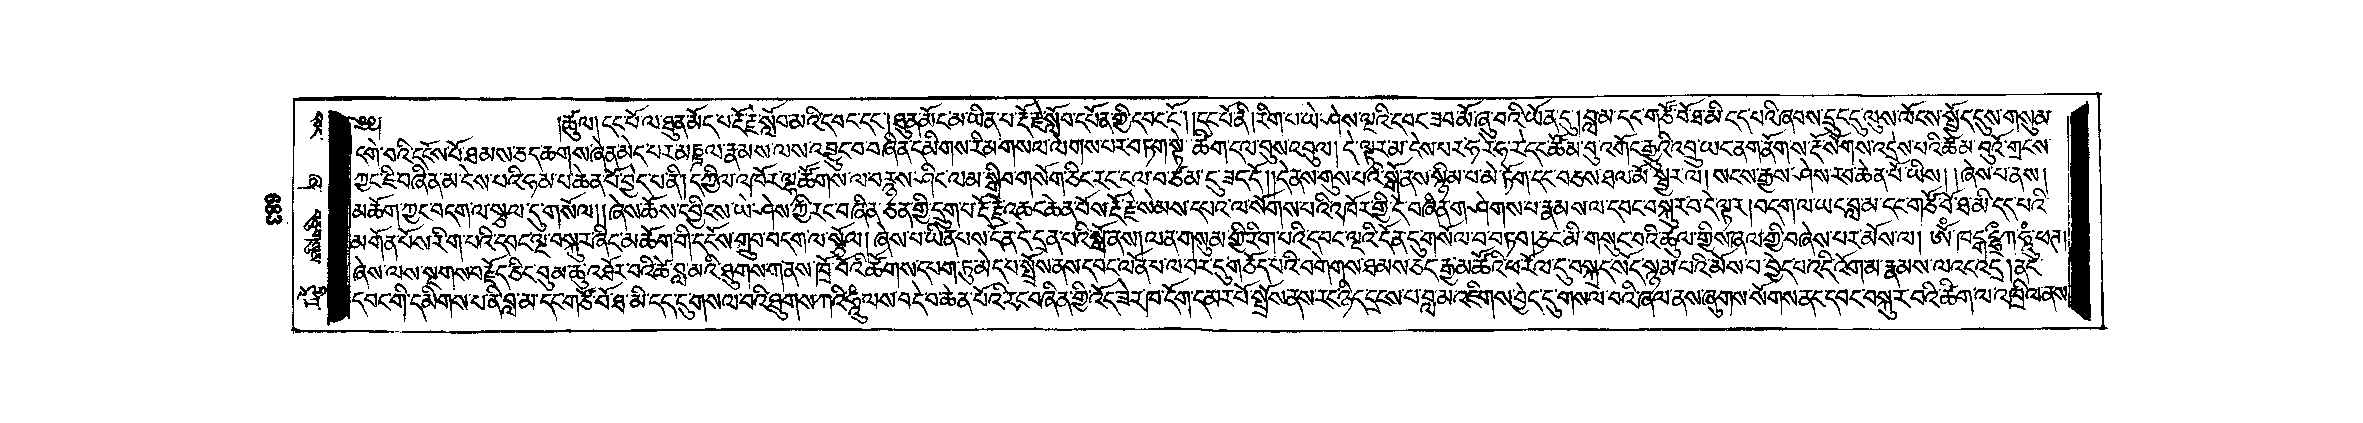༄༅། །ཚུལ། དང་པོ་ལ་ཐུན་མོང་པ་རྡོ་རྗེ་སློབ་མའི་དབང་དང་། ཐུན་མོང་མ་ཡིན་པ་རྡོ་རྗེ་སློབ་དཔོན་གྱི་དབང་ངོ། །དང་པོ་ནི། རིག་པ་ཡེ་ཤེས་ལྔའི་དབང་ཟབ་མོ་ཞུ་བའི་ཡོན་དུ། བླ་མ་དང་གཙོ་བོ་ཐ་མི་དད་པའི་ཞབས་དྲུང་དུ་ལུས་ལོངས་སྤྱོད་དུས་གསུམ་
དགེ་བའི་དངོས་པོ་ཐམས་ཅད་ཆགས་ཞེན་མེད་པར་མཎྜལ་རྣམས་ལས་འབྱུང་བ་བཞིན་དམིགས་རིམ་གསལ་ལེགས་པར་བཏག་སྟེ་ཚིག་དལ་བུས་འབུལ། དེ་ལྟར་མ་ངེས་པར་ཧ་རེ་ཧ་རེ་དང་ཚོམ་བུ་འགོང་རྒྱུའི་འབྲུ་ཡང་ནག་ནོག་ས་རྡོ་སོགས་འདྲེས་པའི་ཚོམ་བུའོ་གྲངས་
ཀྱང་ཇི་བཞིན་མ་ངེས་པའི་ཧམ་པ་ཆེན་པོ་བྱེད་པ་ནི། དཀྱིལ་འཁོར་ལྷ་ཚོགས་ལ་བརྙས་ཤིང་ལམ་སྒྲིབ་གསོག་ཅིང་རང་ངལ་བ་ཙམ་དུ་ཟད་དོ། །དེ་ནས་གུས་པའི་སྒོ་ནས་སྙིམ་པ་མེ་ཏོག་དང་བཅས་ཐལ་མོ་སྦྱར་ལ། སངས་རྒྱས་ཤེས་རབ་ཆེན་པོ་ཡིས། །ཞེས་པ་ནས།
མཆོག་ཀྱང་བདག་ལ་སྩལ་དུ་གསོལ། །ཞེས་ཆོས་དབྱིངས་ཡེ་ཤེས་ཀྱི་རང་བཞིན་ཅན་གྱི་དྲུག་པ་རྡོ་རྗེ་འཆང་ཆེན་པོས་རྡོ་རྗེ་སེམས་དཔའ་ལ་སོགས་པའི་འཁོར་གྱི་དེ་བཞིན་གཤེགས་པ་རྣམས་ལ་དབང་བསྐུར་བ་དེ་ལྟར། བདག་ལ་ཡང་བླ་མ་དང་གཙོ་བོ་ཐ་མི་དད་པའི་
མགོན་པོས་རིག་པའི་དབང་ལྔ་བསྐུར་ཞིང་མཆོག་གི་དངོས་གྲུབ་བདག་ལ་སྩོལ། ཞེས་པ་ཡིན་པས་དོན་དེ་དྲན་པའི་སྒོ་ནས། ལན་གསུམ་གྱི་རིག་པའི་དབང་ལྔའི་དོན་དུ་གསོལ་བ་བཏབ། ཅང་མི་གསུང་བའི་ཚུལ་གྱིས་ཞལ་གྱི་བཞེས་པར་མོས་ལ། ཨོཾ་ཁངྒ་དྷྲྀཀ་ཧཱུཾ་ཕཊ།
ཞེས་ལས་སྔགས་བརྗོད་ཅིང་བུམ་ཆུ་འཐོར་བའི་ཚེ་བླ་མའི་ཐུགས་གནས་ཁྲོ་བོའི་ཚོགས་དཔག་ཏུ་མེད་པ་སྤྲོས་ནས་དབང་ལོན་པ་ལ་བར་དུ་གཅོད་པའི་བགེགས་ཐམས་ཅད་རྒྱ་མཚོའི་ཕ་རོལ་དུ་བསྐྲད་སོད་སྙམ་པའི་མོས་པ་བྱེད་པ་འདི་འོག་མ་རྣམས་ལའང་འདྲ། ནང་
དབང་གི་དམིགས་པ་ནི་བླ་མ་དང་གཙོ་བོ་ཐ་མི་དད་དུ་གསལ་བའི་ཐུགས་ཀའི་ཧཱུཾ་ལས་བདེ་བ་ཆེན་པོའི་རང་བཞིན་གྱི་འོད་ཟེར་ཁ་དོག་དམར་པོ་སྤྲོས་ནས་རང་ཉིད་དྲངས་པ་བླ་མ་འཇིགས་བྱེད་དུ་གསལ་བའི་ཞལ་ནས་ཞུགས་སོགས་ནང་དབང་བསྐུར་བའི་ཚིག་ལ་འཁྲིལ་ནས་